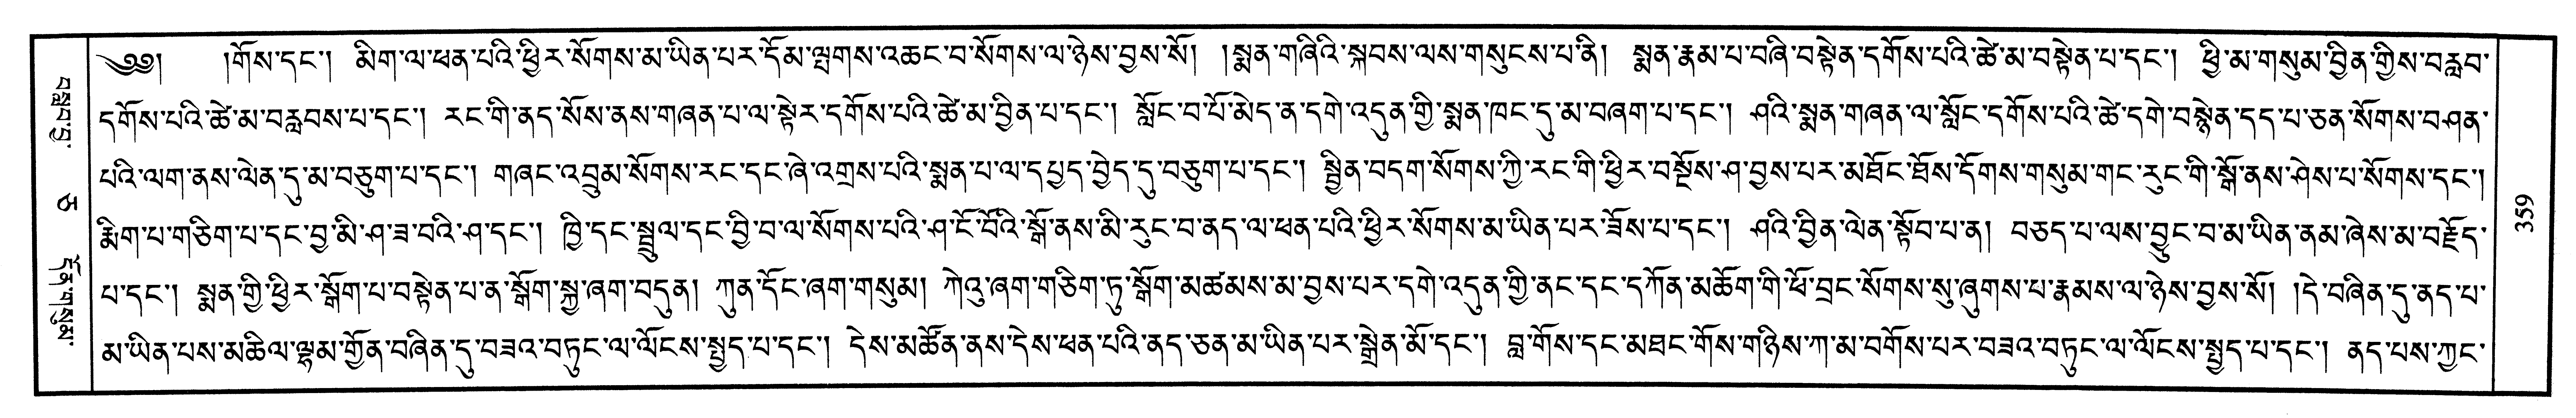༄༅། །གོས་དང་། མིག་ལ་ཕན་པའི་ཕྱིར་སོགས་མ་ཡིན་པར་དོམ་ལྤགས་འཆང་བ་སོགས་ལ་ཉེས་བྱས་སོ། །སྨན་གཞིའི་སྐབས་ལས་གསུངས་པ་ནི། སྨན་རྣམ་པ་བཞི་བསྟེན་དགོས་པའི་ཚེ་མ་བསྟེན་པ་དང་། ཕྱི་མ་གསུམ་བྱིན་གྱིས་བརླབ་
དགོས་པའི་ཚེ་མ་བརླབས་པ་དང་། རང་གི་ནད་སོས་ནས་གཞན་པ་ལ་སྟེར་དགོས་པའི་ཚེ་མ་བྱིན་པ་དང་། སློང་བ་པོ་མེད་ན་དགེ་འདུན་གྱི་སྨན་ཁང་དུ་མ་བཞག་པ་དང་། ཤའི་སྨན་གཞན་ལ་སློང་དགོས་པའི་ཚེ་དགེ་བསྙེན་དད་པ་ཅན་སོགས་བཤན་
པའི་ལག་ནས་ལེན་དུ་མ་བཅུག་པ་དང་། གཞང་འབྲུམ་སོགས་རང་དང་ཞེ་འགྲས་པའི་སྨན་པ་ལ་དཔྱད་བྱེད་དུ་བཅུག་པ་དང་། སྦྱིན་བདག་སོགས་ཀྱི་རང་གི་ཕྱིར་བསྔོས་ཤ་བྱས་པར་མཐོང་ཐོས་དོགས་གསུམ་གང་རུང་གི་སྒོ་ནས་ཤེས་པ་སོགས་དང་།
རྨིག་པ་གཅིག་པ་དང་བྱ་མི་ཤ་ཟ་བའི་ཤ་དང་། ཁྱི་དང་སྦྲུལ་དང་བྱི་བ་ལ་སོགས་པའི་ཤ་ངོ་བོའི་སྒོ་ནས་མི་རུང་བ་ནད་ལ་ཕན་པའི་ཕྱིར་སོགས་མ་ཡིན་པར་ཟོས་པ་དང་། ཤའི་བྱིན་ལེན་སྟོབ་པ་ན། བཅད་པ་ལས་བྱུང་བ་མ་ཡིན་ནམ་ཞེས་མ་བརྗོད་
པ་དང་། སྨན་གྱི་ཕྱིར་སྒོག་པ་བསྟེན་པ་ན་སྒོག་སྐྱ་ཞག་བདུན། ཀུན་དོང་ཞག་གསུམ། ཀེའུ་ཞག་གཅིག་ཏུ་སྒོག་མཚམས་མ་བྱས་པར་དགེ་འདུན་གྱི་ནང་དང་དཀོན་མཆོག་གི་ཕོ་བྲང་སོགས་སུ་ཞུགས་པ་རྣམས་ལ་ཉེས་བྱས་སོ། །དེ་བཞིན་དུ་ནད་པ་
མ་ཡིན་པས་མཆིལ་ལྷམ་གྱོན་བཞིན་དུ་བཟའ་བཏུང་ལ་ལོངས་སྤྱད་པ་དང་། དེས་མཚོན་ནས་དེས་ཕན་པའི་ནད་ཅན་མ་ཡིན་པར་སྒྲེན་མོ་དང་། བླ་གོས་དང་མཐང་གོས་གཉིས་ཀ་མ་བགོས་པར་བཟའ་བཏུང་བ་ལ་ལོངས་སྤྱད་པ་དང་། ནད་པས་ཀྱང་